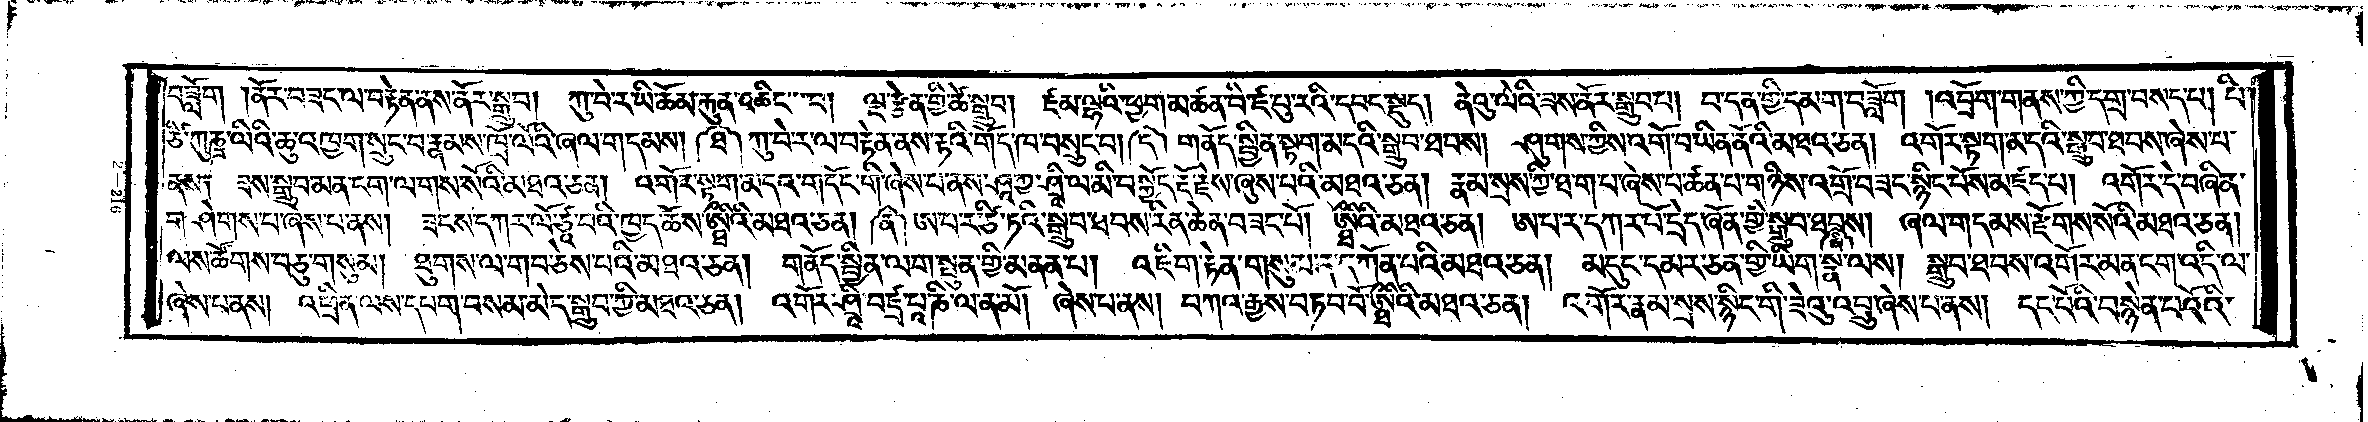བཟློག །ནོར་བཟང་ལ་བརྟེན་ནས་ནོར་སྒྲུབ། ཀུ་བེ་ར་ཡི་ཆོམ་རྐུན་འཆིང་བ། ལྔ་རྩེན་གྱི་ཚེ་སྒྲུབ། ཛམ་ལྷའི་ཕྱག་མཚན་བི་ཛ་པུ་རའི་དབང་སྡུད། ནེའུ་ལེའི་ཟས་ནོར་སྒྲུབ་པ། པ་དན་གྱི་དམག་བཟློག །འབྲོག་གནས་ཀྱི་དགྲ་བསད་པ།
ཙི་ཀུཎྜ་ལིའི་ཆུ་འཁྱག་སྲུང་བ་རྣམས་ཁྲོ་ལོའི་ཞལ་གདམས། ༼ཐ༽ ཀུ་བེ་ར་ལ་བརྟེན་ནས་རྟའི་གོད་ཁ་བསྲུང་བ། ༼ད༽ གནོད་སྦྱིན་སྟག་མདའི་སྒྲུབ་ཐབས། ཤུགས་ཀྱིས་འགོ་བ་ཡིན་ནོའི་མཐའ་ཅན། འགོར་སྟག་མདའི་སྒྲུབ་ཐབས་ཞེས་པ་
ནས༑ ཟས་སྒྲུབ་མན་ངག་ལགས་སོའི་མཐའ་ཅན། འགོར་སྟག་མདའ་གདོང་གི་ཞེས་པ་ནས། ཤཱཀྱ་ཤྲཱི་ལ་མི་བསྐྱོད་རྡོ་རྗེས་ཞུས་པའི་མཐའ་ཅན། རྣམ་སྲས་ཀྱི་ཐག་པ་ཞེས་པ་ཚན་པ་གཉིས་འགྲོ་བཟང་སྙིང་པོས་མཛད་པ། འགོར་དེ་བཞིན་
གཤེགས་པ་ཞེས་པ་ནས། ཟངས་དཀར་ལོ་ཙཱ་བའི་ཁྱད་ཆོས་ཨྀཐིའི་མཐའ་ཅན། ༼ན༽ ཨ་པ་ར་ཙི་ཏའི་སྒྲུབ་ཐབས་རིན་ཆེན་བཟང་པོ། ཨྀཐིའི་མཐའ་ཅན། ཨ་པ་ར་དཀར་པོ་དྲེད་ཞོན་གྱི་སྒྲུབ་ཐབས། ཞལ་གདམས་རྫོགས་སོའི་མཐའ་ཅན།
ལས་ཚོགས་བཅུ་གསུམ། ཐུགས་ལ་གབ་ཅེས་པའི་མཐའ་ཅན། གནོད་སྦྱིན་ལག་སྤུན་གྱི་མནན་པ། འཇིག་རྟེན་གསུམ་ན་དཀོན་པའི་མཐའ་ཅན། མདུང་དམར་ཅན་གྱི་ཡིག་སྣ་ལས། སྒྲུབ་ཐབས་འགོར་མན་ངག་འདི་ལ་
ཞེས་པ་ནས། འཕྲིན་ལས་དཔག་བསམ་མེད་སྒྲུབ་ཀྱི་མཐའ་ཅན། འགོར་ཤྲཱི་བཛྲ་པཱ་ཎི་ལ་ན་མོ། ཞེས་པ་ནས། བཀའ་རྒྱས་བཏབ་བོ་ཨྀཐིའི་མཐའ་ཅན། འགོར་རྣམ་སྲས་སྙིང་གི་ཟེའུ་འབྲུ་ཞེས་པ་ནས། དང་པོའི་བསྙེན་པའོའི་